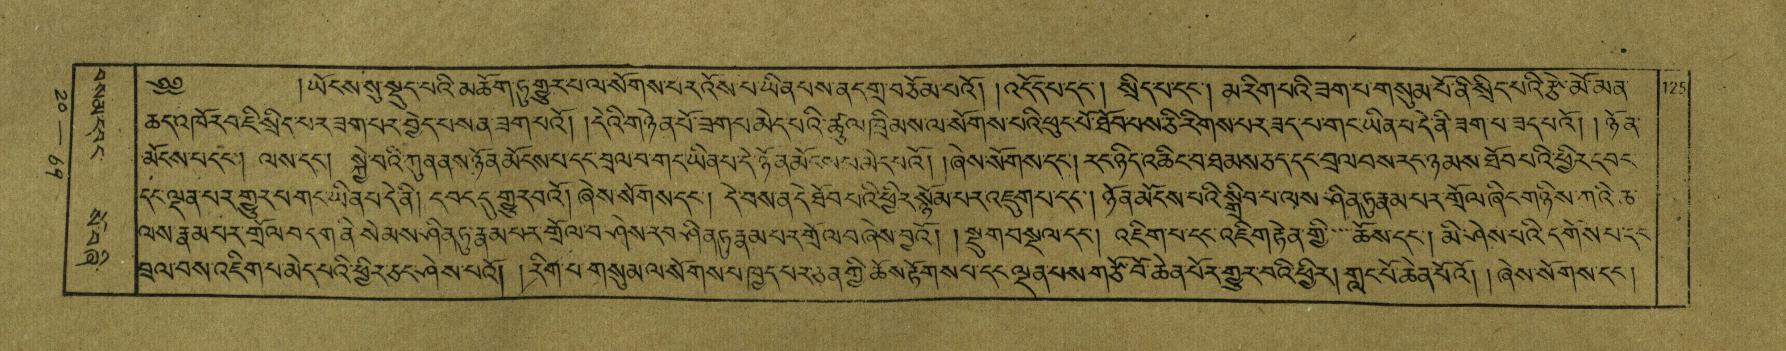༄༅། །ཡོངས་སུ་སྡུད་པའི་མཆོག་ཏུ་གྱུར་པ་ལ་སོགས་པར་འོས་པ་ཡིན་པས་ན་དགྲ་བཅོམ་པའོ། །འདོད་པ་དང་། སྲིད་པ་དང་། མ་རིག་པའི་ཟག་པ་གསུམ་པོ་ནི་སྲིད་པའི་རྩེ་མོ་མན་
ཆད་འཁོར་བ་ཇི་སྲིད་པར་ཟག་པར་བྱེད་པས་ན་ཟག་པའོ། །དེའི་གཉེན་པོ་ཟག་པ་མེད་པའི་ཚུལ་ཁྲིམས་ལ་སོགས་པའི་ཕུང་པོ་ཐོབ་པས་ཅི་རིགས་པར་ཟད་པ་གང་ཡིན་པ་དེ་ནི་ཟག་པ་ཟད་པའོ། །ཉོན་
མོངས་པ་དང་། ལས་དང་། སྐྱེ་བའི་ཀུན་ནས་ཉོན་མོངས་པ་དང་བྲལ་བ་གང་ཡིན་པ་དེ་ཉོན་མོངས་པ་མེད་པའོ། །ཞེས་སོགས་དང་། རང་ཉིད་འཆིང་བ་ཐམས་ཅད་དང་བྲལ་བས་རང་ཉམས་ཐོབ་པའི་ཕྱིར་དབང་
དང་ལྡན་པར་གྱུར་པ་གང་ཡིན་པ་དེ་ནི། དབང་དུ་གྱུར་བའོ། ཞེས་སོགས་དང་། དེ་བས་ན་དེ་ཐོབ་པའི་ཕྱིར་སྙོམ་པར་འཇུག་པ་དང་། ཉོན་མོངས་པའི་སྒྲིབ་པ་ལས་ཤིན་ཏུ་རྣམ་པར་གྲོལ་ཞིང་གཉིས་ཀའི་ཆ་
ལས་རྣམ་པར་གྲོལ་བ་དག་ནི་སེམས་ཤིན་ཏུ་རྣམ་པར་གྲོལ་བ་ཤེས་རབ་ཤིན་ཏུ་རྣམ་པར་གྲོལ་བ་ཞེས་བྱའོ། །སྡུག་བསྔལ་དང་། འཇིག་པ་དང་འཇིག་རྟེན་གྱི་ཆོས་དང་། མི་ཤེས་པའི་དགོས་པ་དང་
བྲལ་བས་འཇིག་པ་མེད་པའི་ཕྱིར་ཅང་ཤེས་པའོ། །རིག་པ་གསུམ་ལ་སོགས་པ་ཁྱད་པར་ཅན་གྱི་ཆོས་རྟོགས་པ་དང་ལྡན་པས་གཙོ་བོ་ཆེན་པོར་གྱུར་བའི་ཕྱིར། གླང་པོ་ཆེན་པོའོ། །ཞེས་སོགས་དང་།